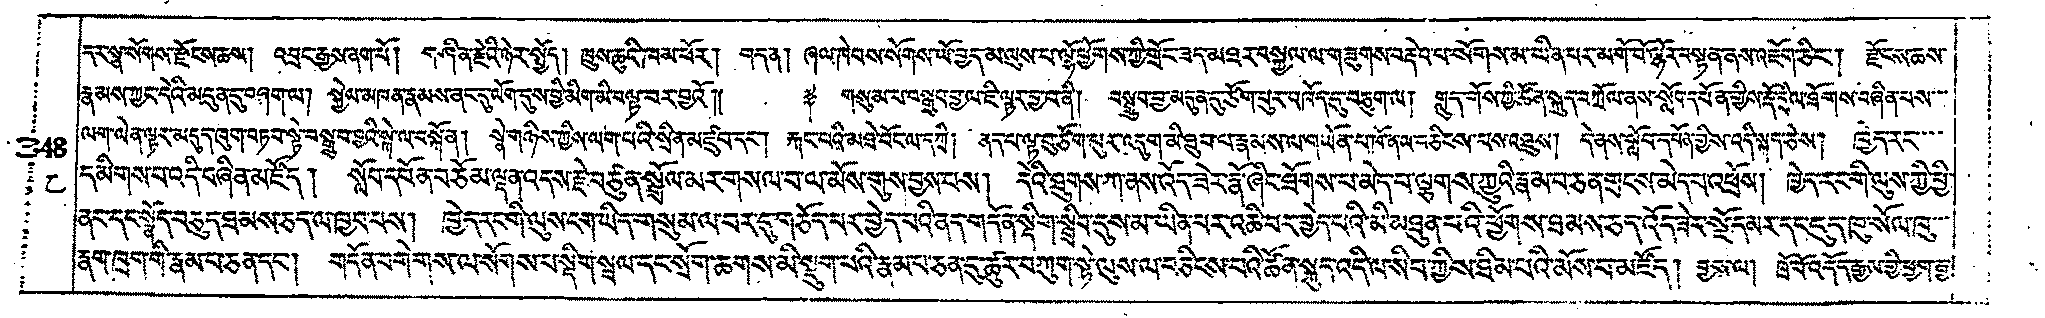དར་སྣ་སོགས་རྫོངས་ཆས། འབྲང་རྒྱས་ནག་པོ། གཤིན་རྗེའི་ཉེར་སྤྱོད། ཁྲུས་ཆུའི་ཁམ་ཕོར། གདན། ཞལ་ཁེབས་སོགས་ཡོ་བྱད་མ་ལུས་པ་ལྷོ་ཕྱོགས་ཀྱི་གྲོང་ཟད་མཐར་བསྐྱལ་ལ་གཟུགས་བརྡེབ་པ་སོགས་མ་ཡིན་པར་མགོ་བོ་ལྷོར་བསྟན་ནས་འཇོག་ཅིང་། རྫོངས་ཆས་
རྣམས་ཀྱང་དེའི་མདུན་དུ་བཞག་ལ། སྐྱེལ་མཁན་རྣམས་ནང་དུ་ལོག་དུས་ཕྱི་མིག་མི་བལྟ་བར་བྱའོ།། ༈ གསུམ་པ་བསྒྲུབ་བྱ་ལ་ཇི་ལྟར་བྱ་བ་ནི། བསྒྲུབ་བྱ་མདུན་དུ་ཙོག་པུར་འཁོད་དུ་བཅུག་ལ། གླུད་གོས་ཀྱི་ཚོན་སྐུད་བཀྲོལ་ནས་སློབ་དཔོན་གྱིས་རྡོ་དྲིལ་ཐོགས་བཞིན་པས་་་
ལག་ལེན་ལྟར་མདུད་ཁུག་བཏབ་སྟེ་བསྒྲུབ་བྱའི་སྐེ་ལ་བསྐོན། སྣེ་གཉིས་ཀྱིས་ལག་པའི་སྲིན་མཛུབ་དང་། རྐང་པའི་མཐེ་བོང་ལ་དཀྲི། ནད་པ་ལྟ་བུ་ཙོག་པུར་འདུག་མི་ཐུབ་པ་རྣམས་ལ་གཡོན་པ་ཁོ་ན་ལ་བཅིངས་པས་འཐུས། དེ་ནས་སློབ་དཔོན་གྱིས་འདི་སྐད་ཅེས། ཁྱེད་རང་་་
དམིགས་པ་འདི་བཞིན་མཛོད། སློབ་དཔོན་བཅོམ་ལྡན་འདས་རྗེ་བཙུན་སྒྲོལ་མར་གསལ་བ་ལ་མོས་གུས་བྱས་པས། དེའི་ཐུགས་ཀ་ནས་འོད་ཟེར་རྣོ་ཞིང་ཐོགས་པ་མེད་པ་ལྕགས་ཀྱུའི་རྣམ་པ་ཅན་གྲངས་མེད་པ་འཕྲོས། ཁྱེད་རང་གི་ལུས་ཀྱི་ཕྱི་
ནང་དང་སྣོད་བཅུད་ཐམས་ཅད་ལ་ཁྱབ་པས། ཁྱེད་རང་གི་ལུས་ངག་ཡིད་གསུམ་ལ་བར་དུ་གཅོད་པར་བྱེད་པའི་ནད་གདོན་སྡིག་སྒྲིབ་དུས་མ་ཡིན་པར་འཆི་བར་བྱེད་པའི་མི་མཐུན་པའི་ཕྱོགས་ཐམས་ཅད་འོད་ཟེར་སྔོ་དམར་དང་དུད་ཁུ་སོལ་ཁུ་་་
རྣག་ཁྲག་གི་རྣམ་པ་ཅན་དང་། གདོན་བགེགས་ལ་སོགས་པ་སྡིག་སྦལ་དང་སྲོག་ཆགས་མི་སྡུག་པའི་རྣམ་པ་ཅན་དུ་ཚུར་བཀུག་སྟེ་ལུས་ལ་བཅིངས་པའི་ཚོན་སྐུད་འདི་ལ་སིབ་ཀྱིས་ཐིམ་པའི་མོས་པ་མཛོད། བྱས་ལ། ཁྲོ་བོ་འདོད་རྒྱལ་གྱི་ཕྱག་རྒྱ་